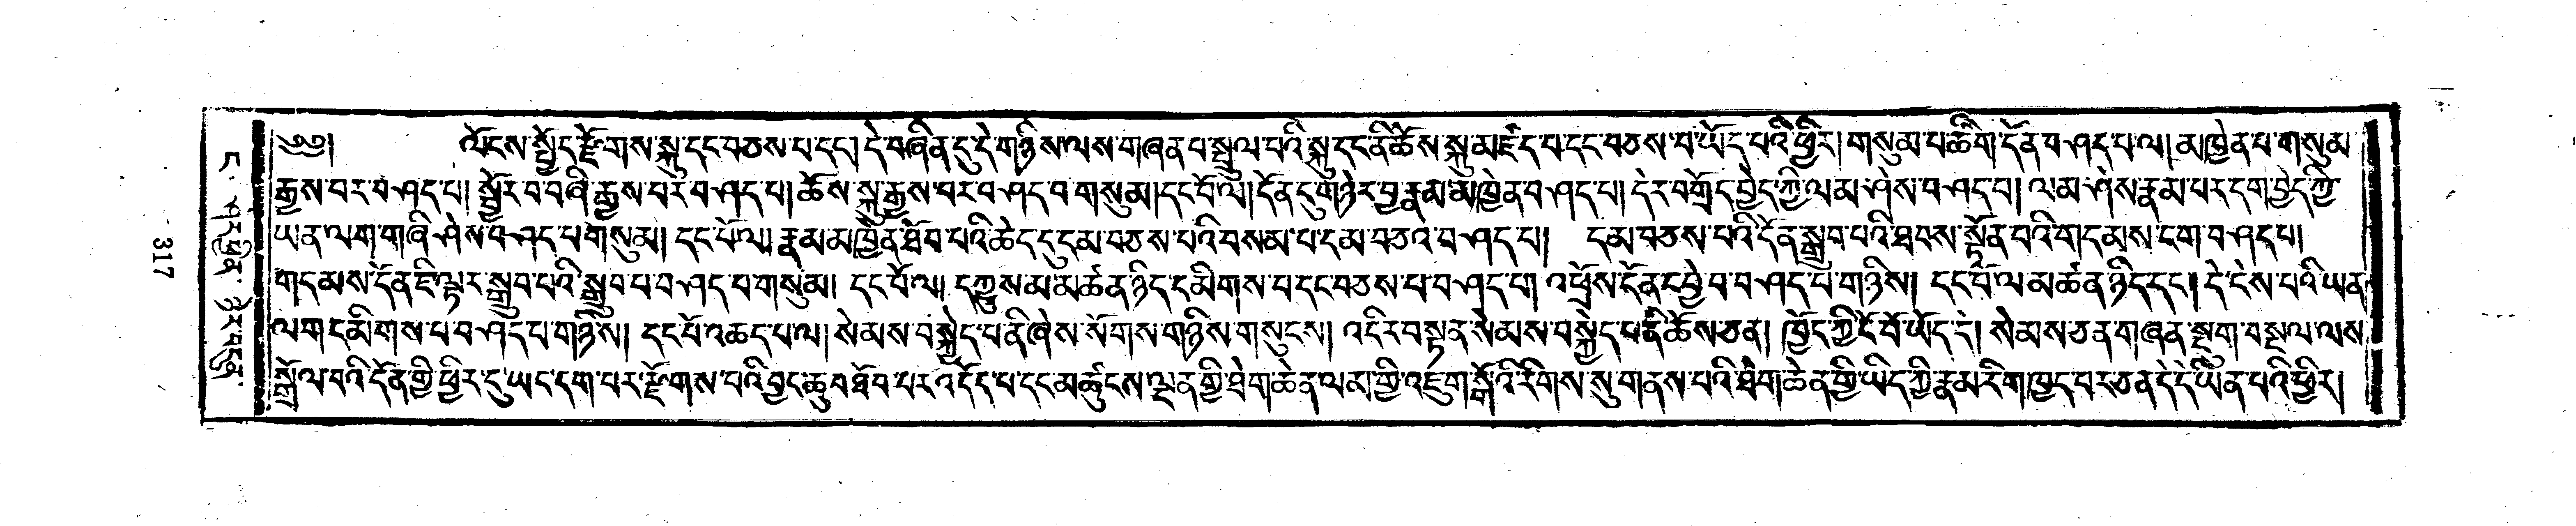༄༅། །ལོངས་སྤྱོད་རྫོགས་སྐུ་དང་བཅས་པ་དང་། དེ་བཞིན་དུ་དེ་གཉིས་ལས་གཞན་པ་སྤྲུལ་པའི་སྐུ་དང་ནི་ཆོས་སྐུ་མཛད་པ་དང་བཅས་པ་ཡོད་པའི་ཕྱིར། གསུམ་པ་ཚིག་དོན་བཤད་པ་ལ། མཁྱེན་པ་གསུམ་
རྒྱས་པར་བཤད་པ། སྦྱོར་བ་བཞི་རྒྱས་པར་བཤད་པ། ཆོས་སྐུ་རྒྱས་པར་བཤད་པ་གསུམ། དང་པོ་ལ། དོན་དུ་གཉེར་བྱ་རྣམ་མཁྱེན་བཤད་པ། དེར་བགྲོད་བྱེད་ཀྱི་ལམ་ཤེས་བཤད་པ། ལམ་ཤེས་རྣམ་པར་དག་བྱེད་ཀྱི་
ཡན་ལག་གཞི་ཤེས་བཤད་པ་གསུམ། དང་པོ་ལ། རྣམ་མཁྱེན་ཐོབ་པའི་ཆེད་དུ་དམ་བཅས་པའི་བསམ་པ་དམ་བཅའ་བཤད་པ། དམ་བཅས་པའི་དོན་སྒྲུབ་པའི་ཐབས་སྟོན་པའི་གདམས་ངག་བཤད་པ།
གདམས་དོན་ཇི་ལྟར་སྒྲུབ་པའི་སྒྲུབ་པ་བཤད་པ་གསུམ། དང་པོ་ལ། དཀྱུས་མ་མཚན་ཉིད་དམིགས་པ་དང་བཅས་པ་བཤད་པ། འཕྲོས་དོན་དབྱེ་བ་བཤད་པ་གཉིས། དང་པོ་ལ་མཚན་ཉིད་དང་། དེ་ངེས་པའི་ཡན་
ལག་དམིགས་པ་བཤད་པ་གཉིས། དང་པོ་འཆད་པ་ལ། སེམས་བསྐྱེད་པ་ནི་ཞེས་སོགས་གཉིས་གསུངས། འདིར་བསྟན་སེམས་བསྐྱེད་པ་ནི་ཆོས་ཅན། ཁྱོད་ཀྱི་ངོ་བོ་ཡོད་དེ། སེམས་ཅན་གཞན་སྡུག་བསྔལ་ལས་
སྒྲོལ་བའི་དོན་གྱི་ཕྱིར་དུ་ཡང་དག་པར་རྫོགས་པའི་བྱང་ཆུབ་ཐོབ་པར་འདོད་པ་དང་མཚུངས་ལྡན་གྱི་ཐེག་ཆེན་ལམ་གྱི་འཇུག་སྒོའི་རིགས་སུ་གནས་པའི་ཐེག་ཆེན་གྱི་ཡིད་ཀྱི་རྣམ་རིག་ཁྱད་པར་ཅན་དེ་དེ་ཡིན་པའི་ཕྱིར།